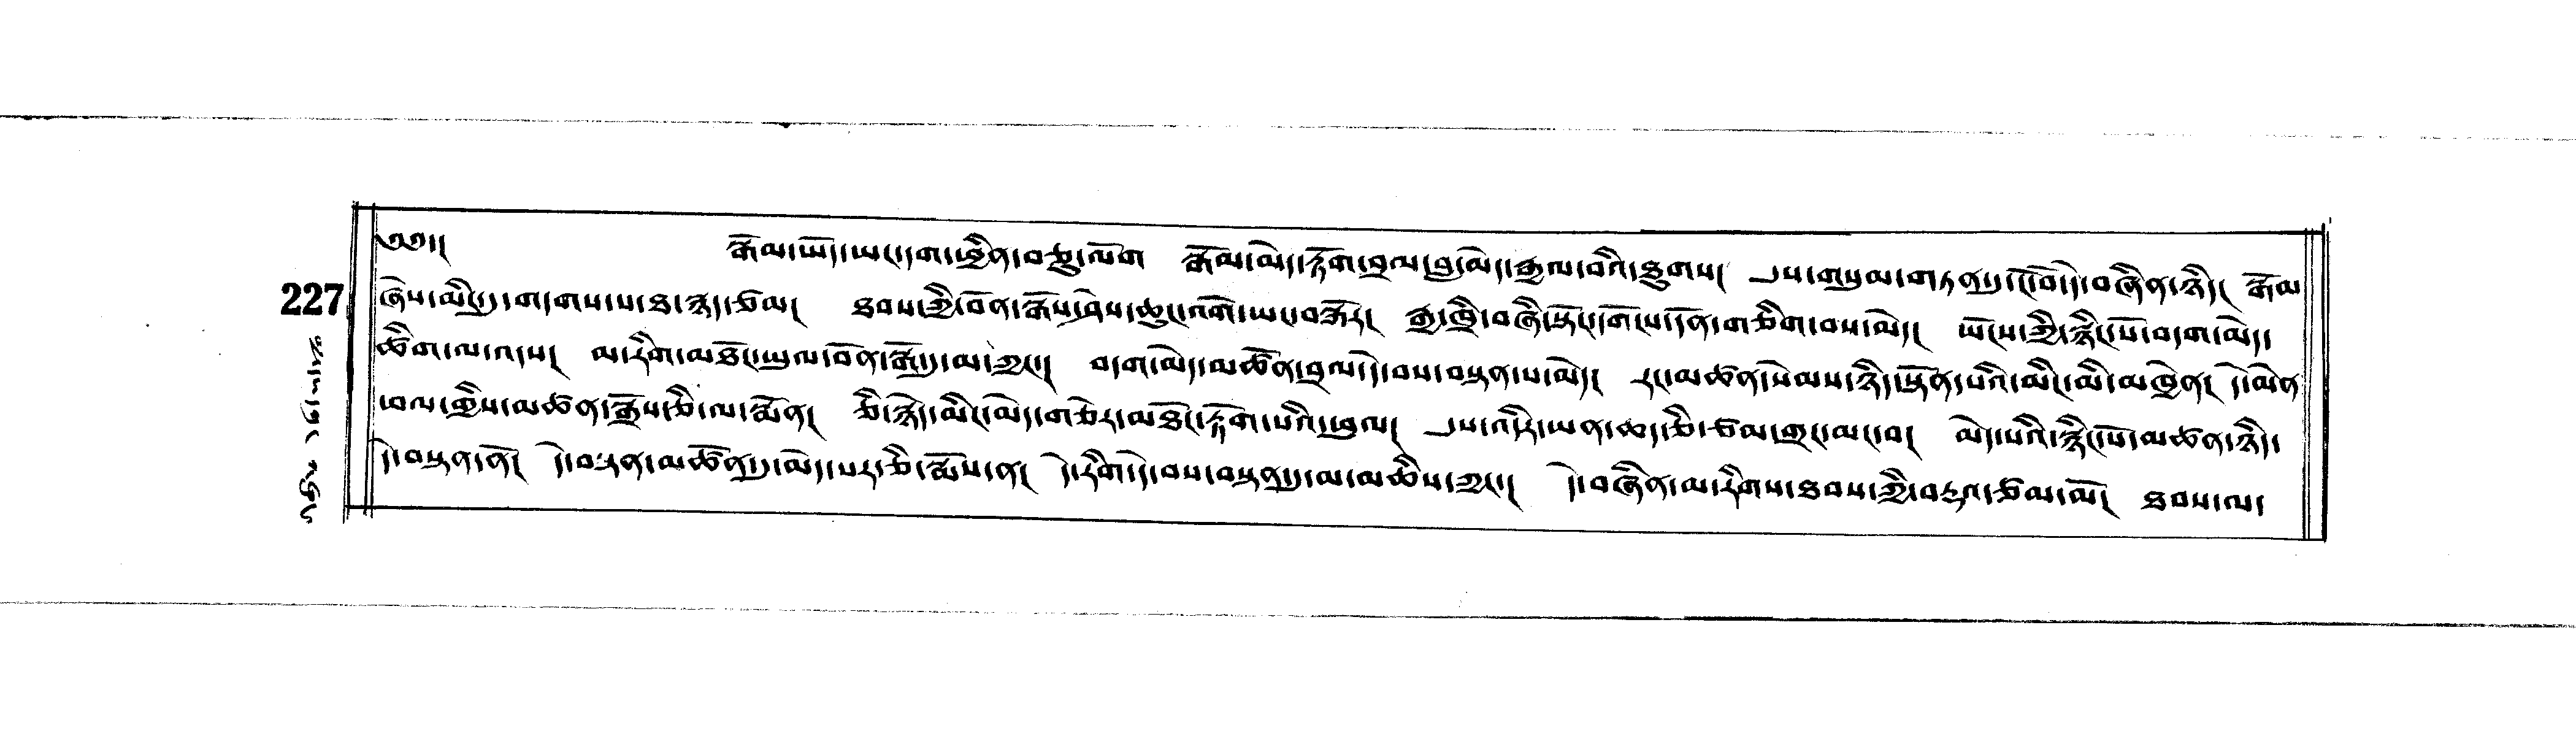སྒོམ་ཡོད་ཡང་དག་ཕྱིན་བཅུ་ལོག སྒོམ་མེད་རྟོག་བྲལ་བླ་མེད་རྒྱལ་བའི་ཐུགས། དུས་གསུམ་གཏན་དུ་ངོ་བོ་དེ་བཞིན་ཉིད། སྒོམ་
ཞེས་མིང་དུ་གདགས་པ་ཐ་སྙད་ཙམ། ཐབས་ཀྱི་བོན་སྒོས་ཤེས་ཆུང་འགོ་ཡང་བསྐོར། བརྒྱད་ཁྲི་བཞི་སྟོང་དགོངས་དོན་གཅིག་བས་མེད། ཡོངས་ཀྱི་སྙིང་པོ་བདག་མེད་
ཚིག་ལས་འདས། མ་རིག་མཐོང་ཡུལ་བོན་སྒོ་དུ་མ་ཀྱང་། བདག་མེད་མཚོན་བྲལ་དེ་བས་བསྟན་པ་མེད། རང་མཚན་སེམས་ཉིད་སྟོན་པའི་མིང་མི་མཁྱེན། དེ་མིན་
ཕལ་གྱིས་མཚན་སྒྲོས་ཅི་ལ་སྨོན། ཅི་སྙེད་མིང་མེད་ཅེར་མཐོང་རྟོག་པའི་ཕུལ། དུས་འདིར་ཡན་ཆད་ཅི་ཙམ་གྲངས་མང་བ། མེད་པའི་སྙིང་པོ་མཚན་ཉིད་
དེ་བསྟན་ནོ། དེ་བསྟན་མཚོན་དུ་མེད་པར་ཅི་སྨོས་ན། དེ་རིག་དེ་བས་བསྟན་དུ་མ་མཆིས་ཀྱང་། དེ་བཞིན་མ་རིག་ཐབས་ཀྱི་བརྡ་ཙམ་མོ། ཐབས་ལ་